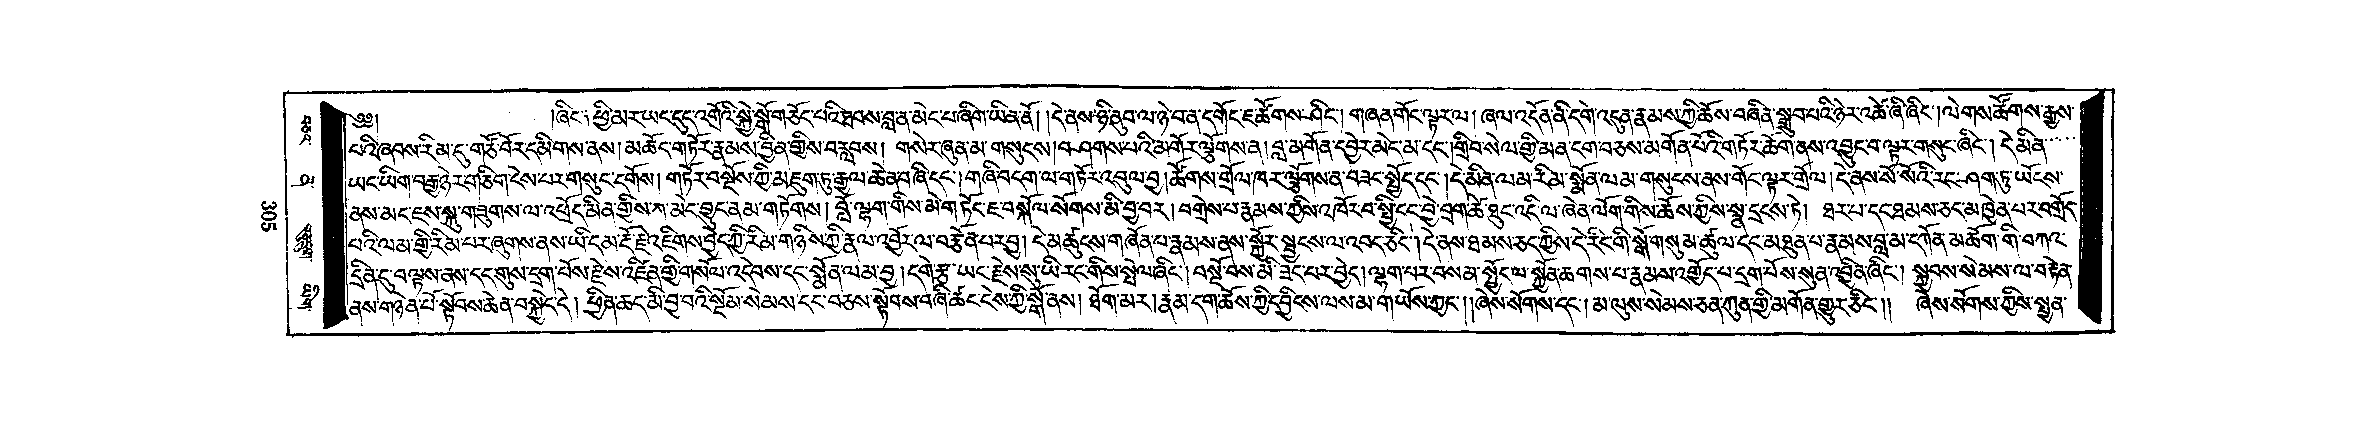༄༅། །ཞིང་། ཕྱི་མར་ཡང་དུད་འགྲོའི་སྐྱེ་སྒོ་གཅོད་པའི་ཐབས་བླ་ན་མེད་པ་ཞིག་ཡིན་ནོ། །དེ་ནས་ཉི་ནུབ་ལ་ཉེ་བ་ན་དགོང་ཇ་ཚོགས་ཤིང་། གཞན་གོང་ལྟར་ལ། ཞལ་འདོན་ནི་དགེ་འདུན་རྣམས་ཀྱི་ཆོས་བཞིན་སྒྲུབ་པའི་ཉེར་འཚེ་ཞི་ཞིང་། ལེགས་ཚོགས་རྒྱས་
པའི་ཞབས་རིམ་དུ་གཙོ་བོར་དམིགས་ནས། མཆོད་གཏོར་རྣམས་བྱིན་གྱིས་བརླབས། གསེར་ཞུན་མ་གསུངས། བཤགས་པའི་མགོར་ལྕོགས་ན། བླ་མགོན་དབྱེར་མེད་མ་དང་། གྲིབ་སེལ་གྱི་མན་ངག་བཅས་མགོན་པོའི་གཏོར་ཆོག་ནས་འབྱུང་བ་ལྟར་གསུང་ཞིང་། དེ་མིན་
ཡང་ཡིག་བརྒྱ་ཉེར་གཅིག་ངེས་པར་གསུང་དགོས། གཏོར་བསྔོས་ཀྱི་མཇུག་ཏུ་རྒྱལ་ཆེན་བཞི་དང་། གཞི་བདག་ལ་གཏོར་འབུལ་བྱ། ཚོགས་གྲོལ་ཁར་ལྕོགས་ན་བཟང་སྤྱོད་དང་། དེ་མིན་ལམ་རིམ་སྨོན་ལམ་གསུངས་ནས་གོང་ལྟར་གྲོལ། དེ་ནས་སོ་སོའི་རང་ཤག་ཏུ་ཡོངས་
ནས་མང་ཇས་སྐུ་གཟུགས་ལ་འཕྲོད་མིན་གྱིས་ཀ་མེད་བྱུང་ན་མ་གཏོགས། བློ་ལྷག་གིས་མེ་གཏོང་ཇ་བསྐོལ་སོགས་མི་བྱ་བར། བགྲེས་པ་རྣམས་ཀྱིས་འཁོར་བ་སྤྱི་དང་བྱེ་བྲག་ཚེ་ཐུང་འདི་ལ་ཞེན་ལོག་གིས་ཆོས་ཀྱིས་སྣ་དྲངས་ཏེ། ཐར་པ་དང་ཐམས་ཅད་མཁྱེན་པར་བགྲོད་
པའི་ལམ་གྱི་རིམ་པར་ཞུགས་ནས་ཡི་དམ་རྡོ་རྗེ་འཇིགས་བྱེད་ཀྱི་རིམ་གཉིས་ཀྱི་རྣལ་འབྱོར་ལ་བརྩོན་པར་བྱ། དེ་མཚུངས་གཞོན་པ་རྣམས་ནས་སྐྱོར་སྦྱངས་ལ་འབད་ཅིང་། དེ་ནས་ཐམས་ཅད་ཀྱིས་དེ་རིང་གི་སྒོ་གསུམ་ཚུལ་དང་མཐུན་པ་རྣམས་བླ་མ་དཀོན་མཆོག་གི་བཀའ་
དྲིན་དུ་བལྟས་ནས་དད་གུས་དྲག་པོས་རྫེས་འཛིན་གྱི་གསོལ་འདེབས་དང་སྨོན་ལམ་བྱ། དགེ་རྩ་ཡང་རྗེས་སུ་ཡི་རང་གིས་སྤེལ་ཞིང་། བསྔོ་བས་མི་ཟད་པར་བྱེད། ལྷག་པར་བསམ་སྤྱོད་ལ་སྐྱོན་ཆགས་པ་རྣམས་འགྱོད་པ་དྲག་པོས་སུན་འབྱིན་ཞིང་། སྐྱབས་སེམས་ལ་བརྟེན་
ནས་གཉེན་པོ་སྟོབས་ཆེན་བསྐྱེད་དེ། ཕྱིན་ཆད་མི་བྱ་བའི་སྡོམ་སེམས་དང་བཅས་སྟོབས་བཞི་ཚང་ངེས་ཀྱི་སྒོ་ནས། ཐོག་མར། རྣམ་དག་ཆོས་ཀྱི་དབྱིངས་ལས་མ་གཡོས་ཀྱང་། །ཞེས་སོགས་དང་། མ་ལུས་སེམས་ཅན་ཀུན་གྱི་མགོན་གྱུར་ཅིང་། །ཞེས་སོགས་ཀྱིས་སྤྱན་